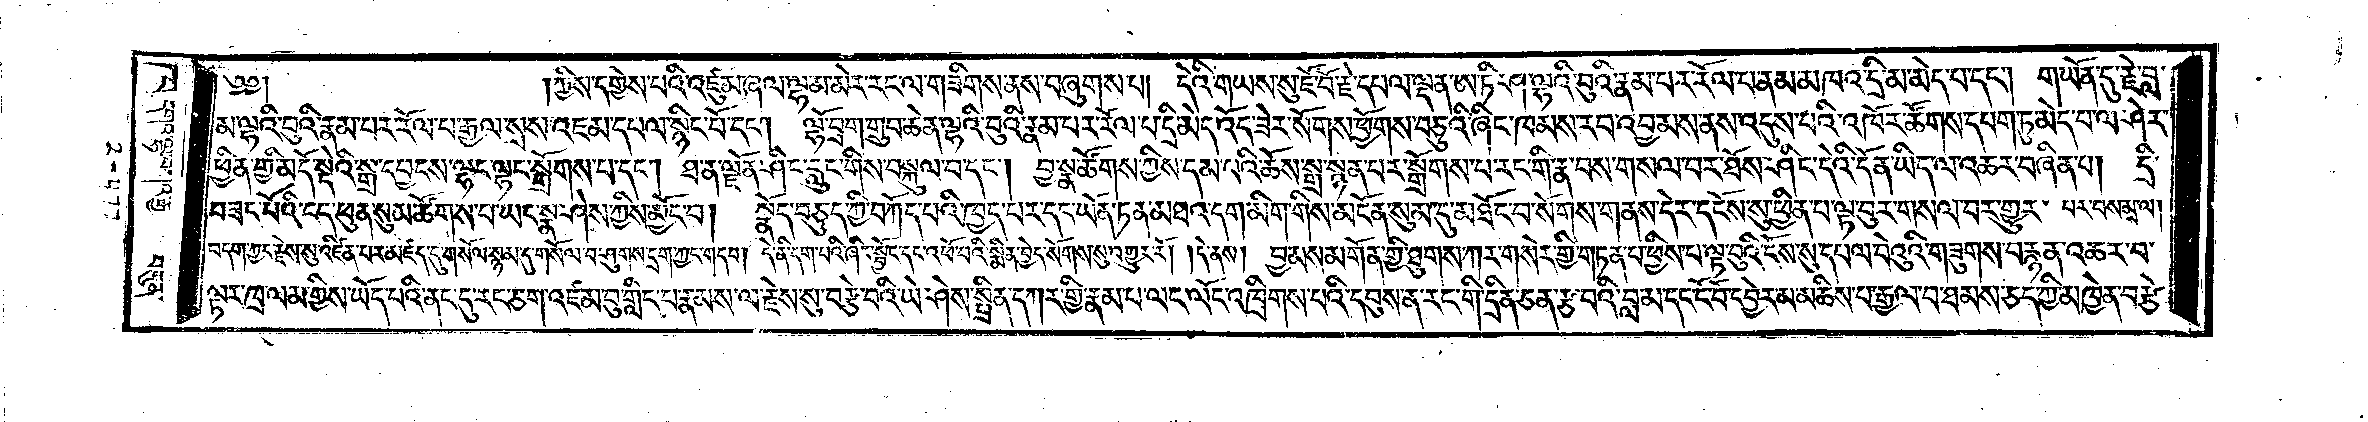༄༅། །ཀྱིས་དགྱེས་པའི་འཛུམ་ཞལ་ལྷ་མ་མེར་རང་ལ་གཟིགས་ནས་བཞུགས་པ། དེའི་གཡས་སུ་ཇོ་བོ་རྗེ་དཔལ་ལྡན་ཨ་ཏི་ཤ་ལྷའི་བུའི་རྣམ་པར་རོལ་པ་ནམ་མཁའ་དྲི་མ་མེད་པ་དང་། གཡོན་དུ་རྗེ་བླ་
མ་ལྷའི་བུའི་རྣམ་པར་རོལ་པ་རྒྱལ་སྲས་འཇམ་དཔལ་སྙིང་པོ་དང་། ལྷོ་བྲག་གྲུབ་ཆེན་ལྷའི་བུའི་རྣམ་པར་རོལ་པ་དྲི་མེད་འོད་ཟེར་སོགས་ཕྱོགས་བཅུའི་ཞིང་ཁམས་རབ་འབྱམས་ནས་འདུས་པའི་འཁོར་ཚོགས་དཔག་ཏུ་མེད་པ་ལ་ཤེར་
ཕྱིན་གྱི་མདོ་སྡེའི་སྒྲ་དབྱངས་ལྷང་ལྷང་སྒྲོགས་པ་དང་། ཐ་ན་ལྗོན་ཤིང་རླུང་གིས་བསྐུལ་བ་དང་། བྱ་སྣ་ཚོགས་ཀྱིས་དམ་པའི་ཆོས་སྒྲ་སྙན་པར་སྒྲོགས་པ་རང་གི་རྣ་བས་གསལ་བར་ཐོས་ཤིང་དེའི་དོན་ཡིད་ལ་འཆར་བཞིན་པ། དྲི་
བཟང་པོའི་ངད་ཕུན་སུམ་ཚོགས་པ་ཡང་སྣ་ཤེས་ཀྱིས་མྱོང་བ། སྣོད་བཅུད་ཀྱི་བཀོད་པའི་ཁྱད་པར་དང་ཡོན་ཏན་མཐའ་དག་མིག་གིས་མངོན་སུམ་དུ་མཐོང་བ་སོགས་གནས་དེར་དངོས་སུ་ཕྱིན་པ་ལྟ་བུར་གསལ་བར་གྱུར་པར་བསམས་ལ།
བདག་ཀྱང་རྗེས་སུ་འཛིན་པར་མཛད་དུ་གསོལ་སྙམ་དུ་གསོལ་བ་ཤུགས་དྲག་ཀྱང་གདབ། དེ་ནི་དག་པའི་ཞིང་སྦྱོང་དང་འཕོ་པའི་སྨིན་བྱེད་སོགས་སུ་འགྱུར་རོ། །དེ་ནས། བྱམས་མགོན་གྱི་ཐུགས་ཀར་གྱི་གསེར་གྱི་གཏན་པ་ཕྱིས་པ་ལྟ་བུའི་ངོས་སུ་དཔལ་བེའུའི་གཟུགས་བརྙན་འཆར་བ་
ལྟར་ཁྲ་ལམ་གྱིས་ཡོད་པའི་ནང་དུ་རང་ཅག་འཛམ་བུ་གླིང་པ་རྣམས་ལ་རྗེས་སུ་བརྩེ་བའི་ཡེ་ཤེས་སྤྲིན་དཀར་གྱི་རྣམ་པ་ལང་ལོང་འཁྲིགས་པའི་དབུས་ན་རང་གི་དྲིན་ཅན་རྩ་བའི་བླ་མ་དང་ངོ་བོ་དབྱེར་མ་མཆིས་པ་རྒྱལ་བ་ཐམས་ཅད་ཀྱི་མཁྱེན་བརྩེ་